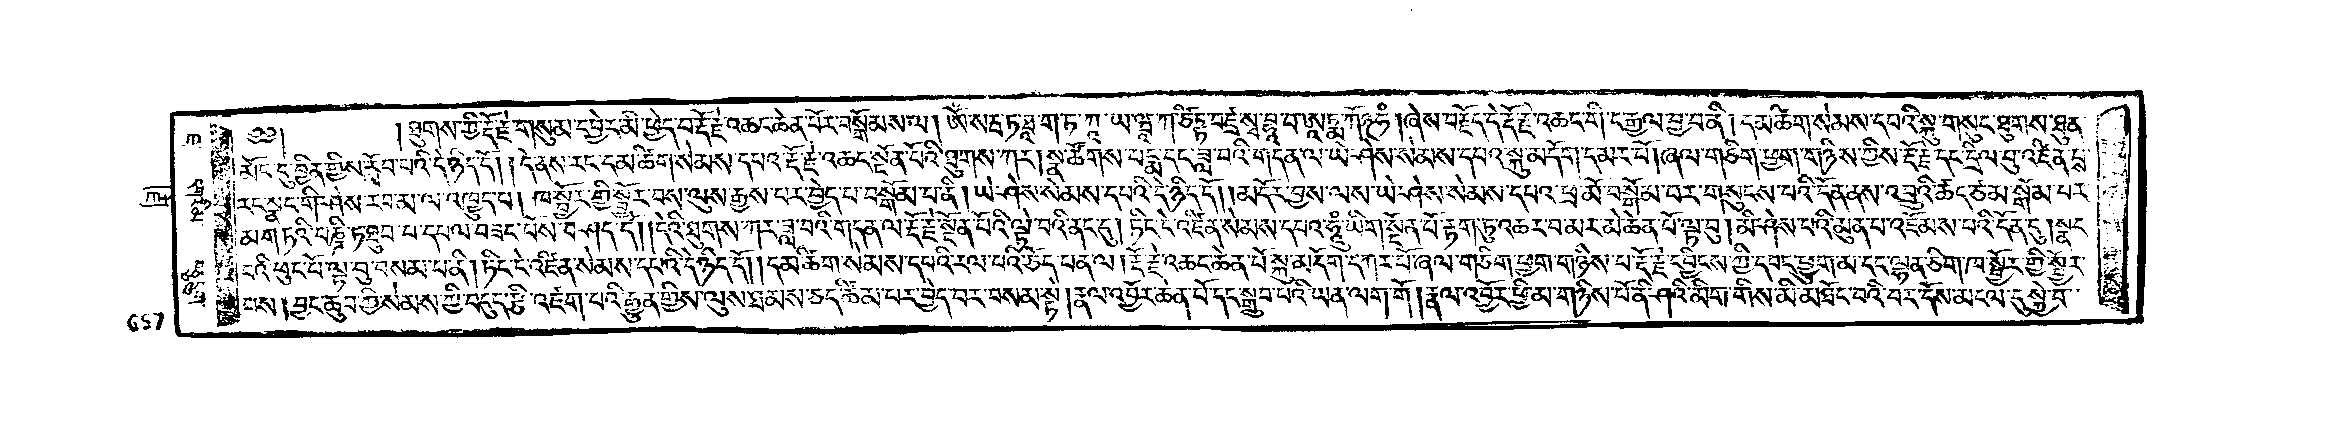༄༅། །ཐུགས་ཀྱི་རྡོ་རྗེ་གསུམ་དབྱེར་མི་ཕྱེད་པ་རྡོ་རྗེ་འཆང་ཆེན་པོར་བསྒོམས་ལ། ཨོཾ་སརྦ་ཏ་ཐཱ་ག་ཏ་ཀཱ་ཡ་ཝཱ་ཀ་ཙིཏྟ་བཛྲ་སྭ་བྷཱ་བ་ཨཱཏྨ་ཀོཉཧཾ། ཞེས་བརྗོད་དེ་རྡོ་རྗེ་འཆང་གི་ང་རྒྱལ་བྱ་བ་ནི། དམ་ཚིག་སེམས་དཔའི་སྐུ་གསུང་ཐུགས་ཐུན་
མོང་དུ་བྱིན་གྱིས་རློབ་པའི་དེ་ཉིད་དོ། །དེ་ནས་རང་དམ་ཚིག་སེམས་དཔའ་རྡོ་རྗེ་འཆང་སྔོན་པོའི་ཐུགས་ཀར། སྣ་ཚོགས་པདམ་དང་ཟླ་བའི་གདན་ལ་ཡེ་ཤེས་སེམས་དཔའ་སྐུ་མདོག་དམར་པོ། ཞལ་གཅིག་ཕྱག་གཉིས་ཀྱིས་རྡོ་རྗེ་དང་དྲིལ་བུ་འཛིན་པས་
རང་སྣང་གི་ཤེས་རབ་མ་ལ་འཁྱུད་པ། ཁ་སྦྱོར་གྱི་སྦྱོར་བས་ལུས་རྒྱས་པར་བྱེད་པ་བསྒོམ་པ་ནི། ཡེ་ཤེས་སེམས་དཔའི་དེ་ཉིད་དོ། །མདོར་བྱས་ལས་ཡེ་ཤེས་སེམས་དཔའ་ཕྲ་མོ་བསྒོམ་པར་གསུངས་པའི་དོན་ནས་འབྲུའི་ཚད་ཙམ་སྒོམ་པར་
མ་ག་ཏའི་པཎྜི་ཏ་ཐུབ་པ་དཔལ་བཟང་པོས་བཤད་དོ། །དེའི་ཐུགས་ཀར་ཟླ་བའི་གདན་ལ་རྡོ་རྗེ་སྔོན་པོའི་ལྟེ་བའི་ནང་དུ། ཏིང་ངེ་འཛིན་སེམས་དཔའ་ཧཱུཾ་ཡིག་སྔོན་པོ་རྟག་ཏུ་འཆར་བ་མར་མེ་ཆེན་པོ་ལྟ་བུ། མི་ཤེས་པའི་མུན་པ་འཇོམས་པའི་དོན་དུ། སྣང་
བའི་ཕུང་པོ་ལྟ་བུ་བསམ་པ་ནི། ཏིང་ངེ་འཛིན་སེམས་དཔའི་དེ་ཉིད་དོ། །དམ་ཚིག་སེམས་དཔའི་རལ་པའི་ཅོད་པན་ལ། རྡོ་རྗེ་འཆང་ཆེན་པོ་སྐུ་མདོག་དཀར་པོ་ཞལ་གཅིག་ཕྱག་གཉིས་པ་རྡོ་རྗེ་དབྱིངས་ཀྱི་དབང་ཕྱུག་མ་དང་ལྷན་ཅིག་ཁ་སྦྱོར་གྱི་སྦྱོར་
བས། བྱང་ཆུབ་ཀྱི་སེམས་ཀྱི་བདུད་རྩི་འཛག་པའི་རྒྱུན་གྱིས་ལུས་ཐམས་ཅད་ཚིམ་པར་བྱེད་པར་བསམ་སྟེ། རྣལ་འབྱོར་ཆེན་པོ་དང་སྒྲུབ་པའི་ཡན་ལག་གོ །རྣལ་འབྱོར་ཕྱི་མ་གཉིས་པོ་ནི་ཤའི་མིག་གིས་མི་མཐོང་བའི་བར་དོས་མངལ་དུ་སྐྱེ་བ་